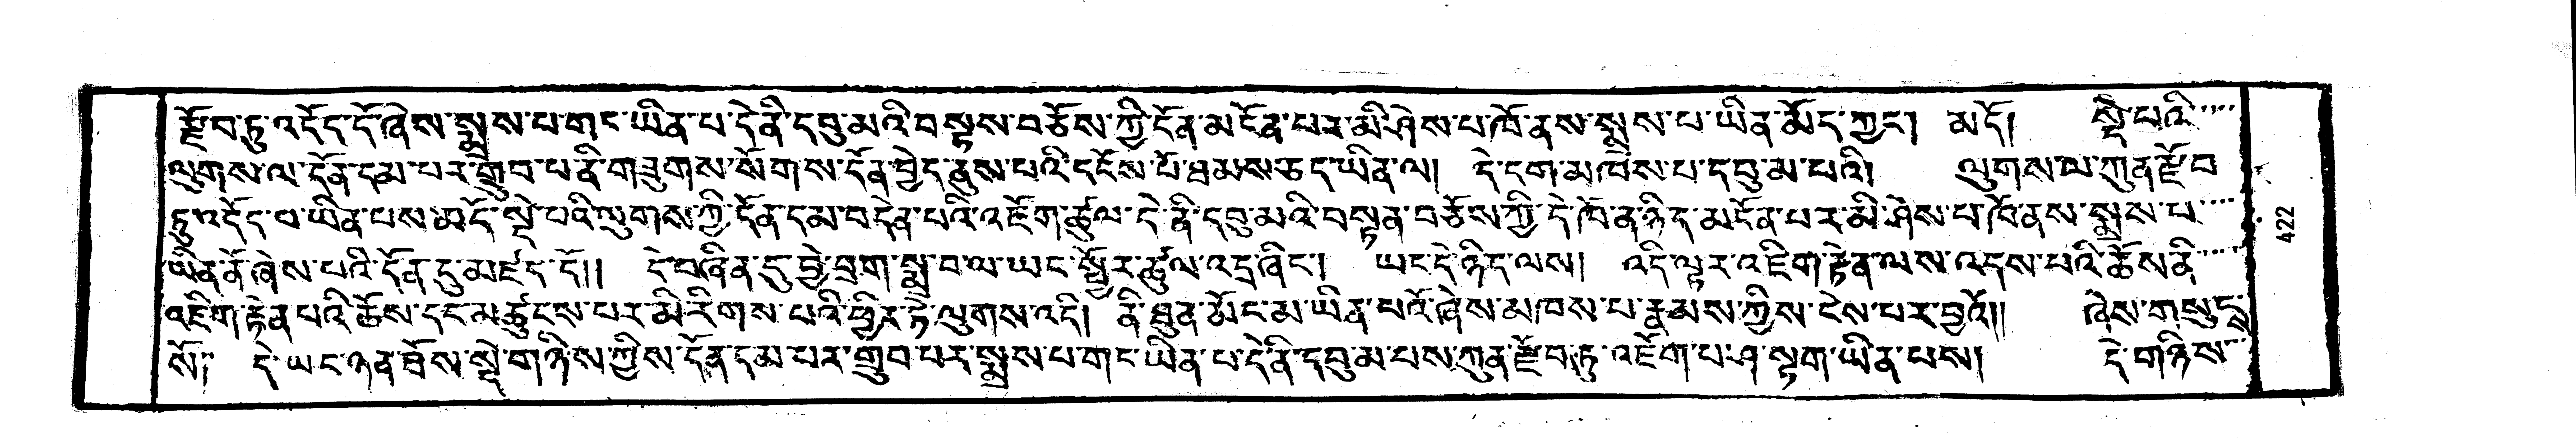རྫོབ་ཏུ་འདོད་དོ་ཞེས་སྨྲས་པ་གང་ཡིན་པ་དེ་ནི་དབུ་མའི་བསྟན་བཅོས་ཀྱི་དོན་མངོན་པར་མི་ཤེས་པ་ཁོ་ནས་སྨྲས་པ་ཡིན་མོད་ཀྱང་། མདོ། སྡེ་པའི་
ལུགས་ལ་དོན་དམ་པར་གྲུབ་པ་ནི་གཟུགས་སོགས་དོན་བྱེད་ནུས་པའི་དངོས་པོ་ཐམས་ཅད་ཡིན་ལ། དེ་དག་མཁས་པ་དབུ་མ་པའི། ལུགས་ལ་ཀུན་རྫོབ་
ཏུ་འདོད་པ་ཡིན་པས་མདོ་སྡེ་པའི་ལུགས་ཀྱི་དོན་དམ་བདེན་པའི་འཇོག་ཚུལ་དེ་ནི་དབུ་མའི་བསྟན་བཅོས་ཀྱི་དེ་ཁོ་ན་ཉིད་མངོན་པར་མི་ཤེས་པ་ཁོ་ནས་སྨྲས་པ་
ཡིན་ནོ་ཞེས་པའི་དོན་དུ་མཛད་དོ། །དེ་བཞིན་དུ་བྱེ་བྲག་སྨྲ་བ་ལ་ཡང་སྦྱོར་ཚུལ་འདྲ་ཞིང་། ཡང་དེ་ཉིད་ལས། འདི་ལྟར་འཇིག་རྟེན་ལས་འདས་པའི་ཆོས་ནི་
འཇིག་རྟེན་པའི་ཆོས་དང་མཚུངས་པར་མི་རིགས་པའི་ཕྱིར་ཏེ་ལུགས་འདི། ནི་ཐུན་མོང་མ་ཡིན་པའོ་ཞེས་མཁས་པ་རྣམས་ཀྱིས་ངེས་པར་བྱའོ། །ཞེས་གསུངས་
སོ། དེ་ཡང་ཉན་ཐོས་སྡེ་གཉིས་ཀྱིས་དོན་དམ་པར་གྲུབ་པར་སྨྲས་པ་གང་ཡིན་པ་དེ་ནི་དབུ་མ་པས་ཀུན་རྫོབ་ཏུ་འཇོག་པ་ཤ་སྟག་ཡིན་པས། དེ་གཉིས་